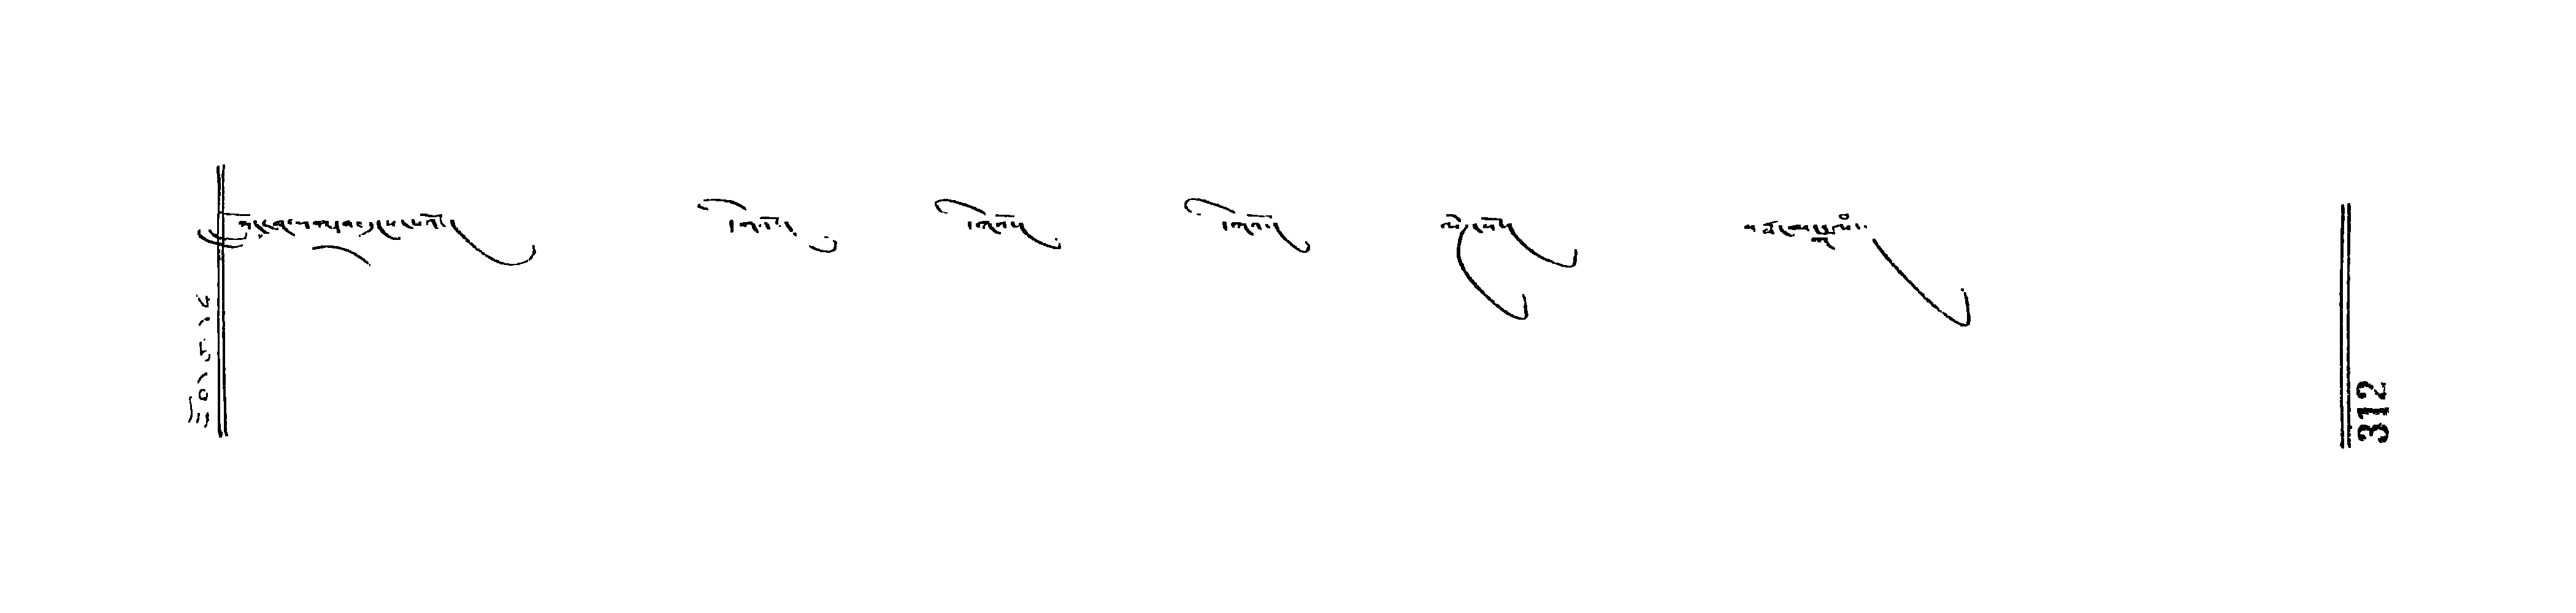ཀློང་ནས་གདན་དྲངས་པའོ།། དགེའོ། དགེའོ། དགེའོ། ལེགས་སོ། སརྦ་མངྒ་ལཾ།།